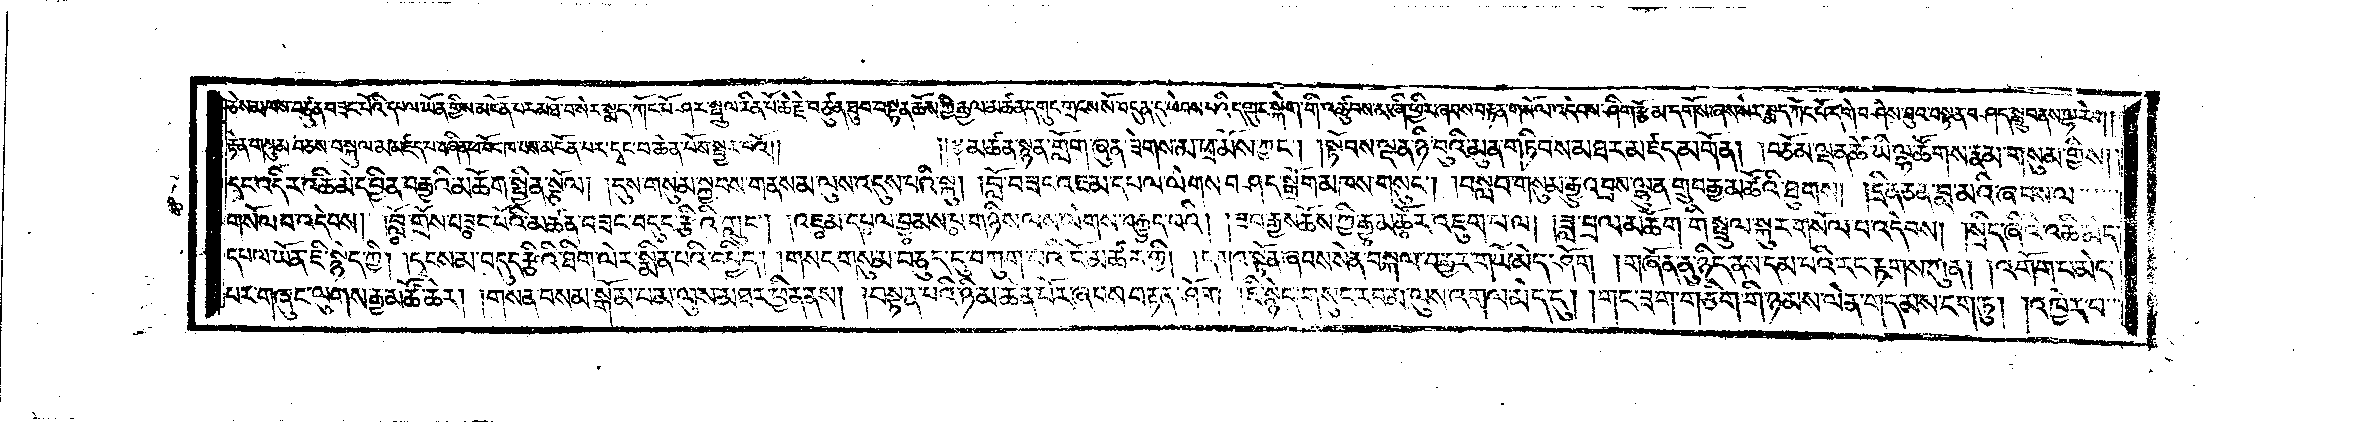ཆེས་མཁས་བཅུན་བཟང་པོའི་དཔལ་ཡོན་གྱིས་མངོན་པར་མཐོ་བ་སེར་སྨད་ཀོང་པོ་ཤར་སྤྲུལ་རིན་པོ་ཆེ་རྗེ་བཙུན་ཐུབ་བསྟན་ཆོས་ཀྱི་རྒྱལ་མཚན་དགུང་གྲངས་སོ་བདུན་དུ་ཕེབས་པའི་དགུང་སྐེག་གི་འཚུངས་མ་ཞི་ཕྱིར་ཞབས་བརྟན་གསོལ་འདེབས་ཤིག་རྩོམ་དགོས་ཞས་སེར་སྨད་ཀོང་པོ་དགེ་བཤེས་ཐུབ་བསྟན་བཤད་སྒྲུབ་ནས་ལྷ་རེག །
ལྷན་གསུམ་བཅས་བསྐུལ་མ་མཛད་པ་བཞིན་ཕ་བོང་ཁ་པས་མངོན་པར་དྭང་བ་ཆེན་པོས་སྦྱར་བའོ།། །།༈ མཚན་སྙན་གློག་ཞུན་ཟེགས་མ་ཕྲ་མོས་ཀྱང་། །སྟོབས་ལྡན་ཉི་བུའི་མུན་གཏིབས་མཐར་མཛད་མགོན། །བཅོམ་ལྡན་ཚེ་ཡི་ལྷ་ཚོགས་རྣམ་གསུམ་གྱིས།།
དང་འདིར་འཆི་མེད་བྱིན་བརྒྱའི་མཆོག་སྦྱིན་སྩོལ། །དུས་གསུམ་སྐྱབས་གནས་མ་ལུས་འདུས་པའི་སྐུ། །བློ་བཟང་འཇམ་དཔལ་ལེགས་བཤད་སྒྲོག་མཁས་གསུང་། །བསླབ་གསུམ་རྒྱུ་འབྲས་ལྷུན་གྲུབ་རྒྱ་མཚོའི་ཐུགས། །དྲིན་ཅན་བླ་མའི་ཞབས་ལ་
གསོལ་བ་འདེབས། །བློ་གྲེས་བཟང་པོའི་མཚན་བཟང་བདུད་རྩིའི་ཀླུང་། །འཇམ་དཔལ་བྱམས་པ་གཉིས་ལས་ལེགས་བརྒྱུད་པའི། །ཟབ་རྒྱས་ཆོས་ཀྱི་རྒྱ་མཚོར་འཇུག་པ་ལ། །ཟླ་བྲལ་མཆོག་གི་སྤྲུལ་སྐུར་གསོལ་བ་འདེབས། །སྲིད་ཞིའི་འཆི་མེད་
དཔལ་ཡོན་ཇི་སྙེད་ཀྱ། །དྭངས་མ་བདུད་རྩིའི་ཐིག་ལེར་སྨིན་པའི་དཔྱིད། །གསང་གསུམ་བཅུད་དུ་བཀུག་པའི་ངོ་མཚར་གྱི། །དགའ་སྟོན་ཞབས་སེན་བསྐལ་བརྒྱར་གཡོ་མེད་ཤོག །གཞོན་ནུ་ཉིད་ནས་དམ་པའི་རང་རྟགས་ཀུན། །འགོག་པ་མེད་
པར་གཞུང་ལུགས་རྒྱ་མཚོ་ཆེར། །གསན་བསམ་སྒོམ་བ་མ་ལུས་མཐར་ཕྱིན་ནས། །བསྟན་པའི་ཉི་མ་ཆེན་པོར་ཞབས་བརྟན་ཤོག །ཇི་སྙེད་གསུང་རབ་མ་ལུས་འགལ་མེད་དུ། །གང་ཟག་གཅིག་གི་ཉམས་ལེན་གདམས་ངག་ཏུ། །འཁྱེར་བ་